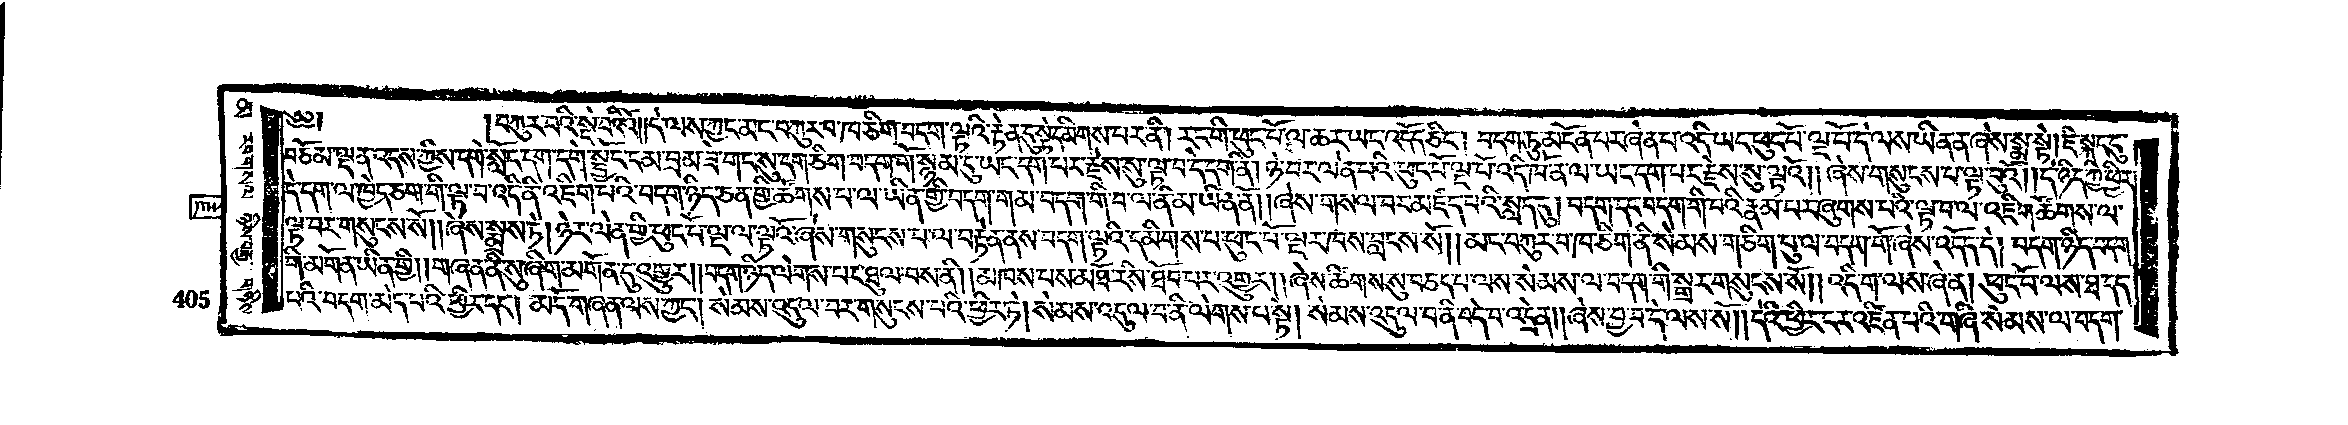༄༅། །བཀུར་བའི་སྡེ་པའི་འོ། །དེ་ལས་ཀྱང་མང་བཀུར་བ་ཁ་ཅིག་བདག་ལྟའི་རྟེན་དུ་སྟེ་དམིགས་པར་ནི། རང་གི་ཕུང་པོ་ལྔ་ཆར་ཡང་འདོད་ཅིང་། བདག་ཏུ་མངོན་པར་ཞེན་པ་འདི་ཡང་ཕུང་པོ་ལྔ་པོ་དེ་ལས་ཡིན་ནོ་ཞེས་སྨྲ་སྟེ། ཇི་སྐད་དུ་
བཅོམ་ལྡན་འདས་ཀྱིས་དགེ་སློང་དག་དགེ་སྦྱོང་ངམ་བྲམ་ཟེ་གང་སུ་དག་ཅིག་བདག་གོ་སྙམ་དུ་ཡང་དག་པར་རྗེས་སུ་ལྟ་བ་དེ་དག་ནི། ཉེ་བར་ལེན་པའི་ཕུང་པོ་ལྔ་པོ་འདི་ཁོ་ན་ལ་ཡང་དག་པར་རྗེས་སུ་ལྟའོ། །ཞེས་གསུངས་པ་ལྟ་བུའོ། །དེ་ཉིད་ཀྱི་ཕྱིར་
དེ་དག་ལ་ཁྱེད་ཅག་གི་ལྟ་བ་འདི་ནི་འཇིག་པའི་བདག་ཉིད་ཅན་གྱི་ཚོགས་པ་ལ་ཡིན་གྱི་བདག་གམ་བདག་གི་བ་ལ་ནི་མ་ཡིན་ནོ། །ཞེས་གསལ་བར་མཛད་པའི་སླད་དུ། བདག་དང་བདག་གི་བའི་རྣམ་པར་ཞུགས་པའི་ལྟ་བ་ལ་འཇིག་ཚོགས་ལ་
ལྟ་བར་གསུངས་སོ། །ཞེས་སྨྲས་ཏེ། ཉེར་ལེན་གྱི་ཕུང་པོ་ལྔ་ལ་ལྟའོ་ཞེས་གསུངས་པ་ལ་བརྟེན་ནས་བདག་ལྟའི་དམིགས་པ་ཕུང་པོ་ལྔར་ཁས་བླངས་སོ། །མང་བཀུར་བ་ཁ་ཅིག་ནི་སེམས་གཅིག་པུ་ལ་བདག་གོ་ཞེས་འདོད་དེ། བདག་ཉིད་བདག་
གི་མགོན་ཡིན་གྱི། །གཞན་ནི་སུ་ཞིག་མགོན་དུ་འགྱུར། །བདག་ཉིད་ལེགས་པར་ཐུལ་བས་ནི། །མཁས་པས་མཐོ་རིས་ཐོབ་པར་འགྱུར། །ཞེས་ཚིགས་སུ་བཅད་པ་ལས་སེམས་ལ་བདག་གི་སྒྲར་གསུངས་སོ། །འདི་གང་ལས་ཤེ་ན། ཕུང་པོ་ལས་ཐ་དད་
པའི་བདག་མེད་པའི་ཕྱིར་དང་། མདོ་གཞན་ལས་ཀྱང་། སེམས་འདུལ་བར་གསུངས་པའི་ཕྱིར་ཏེ། སེམས་འདུལ་བ་ནི་ལེགས་པ་སྟེ། སེམས་འདུལ་བ་ནི་བདེ་བ་འདྲེན། །ཞེས་བྱ་བ་དེ་ལས་སོ། །དེའི་ཕྱིར་ངར་འཛིན་པའི་གཞི་སེམས་ལ་བདག་